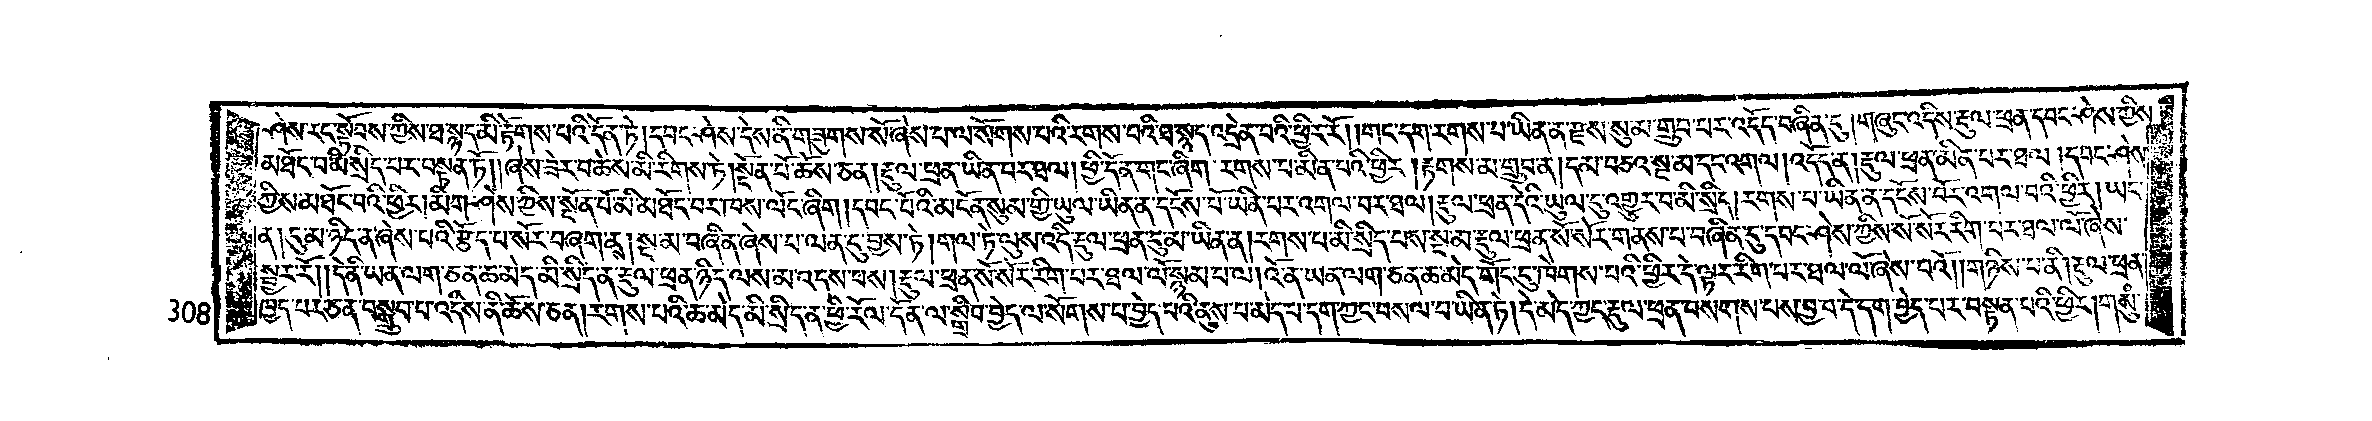ཤེས་རང་སྟོབས་ཀྱིས་ཐ་སྙད་མི་རྟོགས་པའི་དོན་ཏེ། དབང་ཤེས་དེས་ནི་གཟུགས་སོ་ཞེས་པ་ལ་སོགས་པའི་རགས་པའི་ཐ་སྙད་འདྲེན་པའི་ཕྱིར་རོ། །གང་དག་རགས་པ་ཡིན་ན་རྫས་སུ་མ་གྲུབ་པར་འདོད་བཞིན་དུ་།གཞུང་འདིས་རྡུལ་ཕྲན་དབང་ཤེས་ཀྱིས་
མཐོང་བ་མི་སྲིད་པར་བསྟན་ཏོ། །ཞས་ཟེར་བ་ཆེས་མི་རིགས་ཏེ། སྔོན་པོ་ཆོས་ཅན། རྡུལ་ཕྲན་ཡིན་པར་ཐལ། ཕྱི་དོན་གང་ཞིག་རགས་པ་མིན་པའི་ཕྱིར། རྟགས་མ་གྲུབ་ན། དམ་བཅའ་སྔ་མ་དང་འགལ། འདོད་ན། རྡུལ་ཕྲན་མིན་པར་ཐལ། དབང་ཤེས་
ཀྱིས་མཐོང་བའི་ཕྱིར། མིག་ཤེས་ཀྱིས་སྔོན་པོ་མི་མཐོང་བར་ཁས་ལོང་ཞིག །དབང་པོའི་མངོན་སུམ་གྱི་ཡུལ་ཡིན་ན་དངོས་པོ་ཡིན་པར་འགལ་བར་ཐལ། རྡུལ་ཕྲན་དེའི་ཡུལ་དུ་འགྱུར་བ་མི་སྲིད། རགས་པཡིན་ན་དངོས་པོར་འགལ་བའི་ཕྱིར། ཡང་
ན། དུ་མ་ཉིད་ན་ཞེས་པའི་རྩོད་པ་སོར་བཞག་ནས། སྔ་མ་བཞིན་ཞེས་པ་ལན་དུ་བྱས་ཏེ། གལ་ཏེ་ལུས་འདི་རྡུལ་ཕྲན་དུ་མ་ཡིན་ན། རགས་པ་མི་སྲིད་པས་སྔ་མ་རྡུལ་ཕྲན་སོ་སོར་གནས་པ་བཞིན་དུ་དབང་ཤེས་ཀྱིས་སོ་སོར་རིག་པར་ཐལ་ལོ་ཞེས་
སྦྱར་རོ། །དེ་ནི་ཡན་ལག་ཅན་ཆ་མེད་མི་སྲིད་ན་རྡུལ་ཕྲན་ཉིད་ལས་མ་འདས་པས། རྡུལ་ཕྲན་སོ་སོར་རིག་པར་ཐལ་ལོ་སྙམ་པ་ལ། འོ་ན་ཡན་ལག་ཅན་ཆ་མེད་གོང་དུ་ཁེགས་པའི་ཕྱིར་དེ་ལྟར་རིག་པར་ཐལ་ལོ་ཞེས་པའོ། །གཉིས་པ་ནི། རྡུལ་ཕྲན་
ཁྱད་པར་ཅན་བསྒྲུབ་པ་འདིས་ནི་ཆོས་ཅན། རགས་པའི་ཆ་མེད་མི་སྲིད་ན་ཕྱི་རོལ་དོན་ལ་སྒྲིབ་བྱེད་ལ་སོགས་པ་བྱེད་པའི་ནུས་པ་མེད་པ་དག་ཀྱང་བསལ་བ་ཡིན་ཏེ། དེ་མེད་ཀྱང་རྡུལ་ཕྲན་བསགས་པས་བྱ་བ་དེ་དག་བྱེད་པར་བསྟན་པའི་ཕྱིར། གསུཾ་